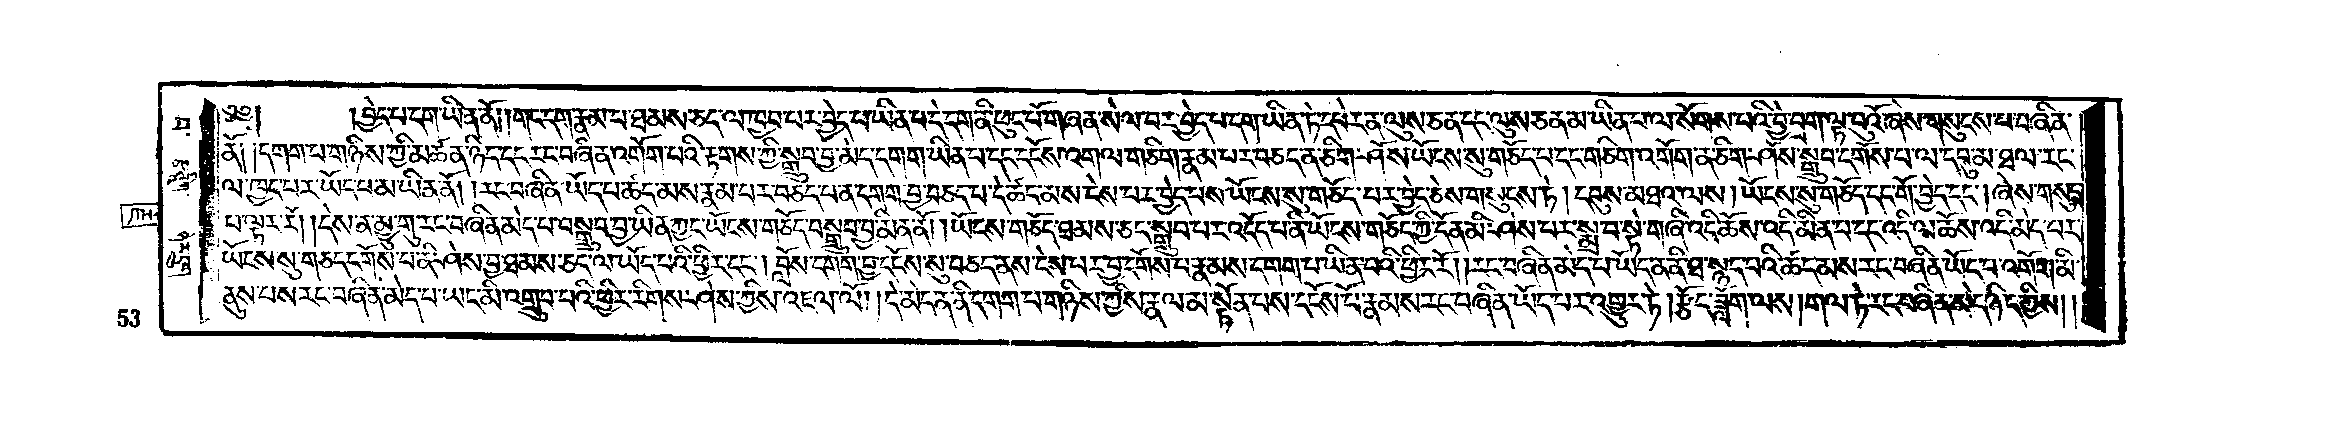༄༅། །བྱེད་པ་དག་ཡིན་ནོ། །གང་དག་རྣམ་པ་ཐམས་ཅད་ལ་ཁྱབ་པར་བྱེད་པ་ཡིན་པ་དེ་དག་ནི་ཕུང་པོ་གཞན་སེལ་བར་བྱེད་པ་དག་ཡིན་ཏེ་དཔེར་ན་ལུས་ཅན་དང་ལུས་ཅན་མ་ཡིན་པ་ལ་སོགས་པའི་བྱེ་བྲག་ལྟ་བུའོ་ཞེས་གསུངས་པ་བཞིན་
ནོ། །དགག་པ་གཉིས་ཀྱི་མཚན་ཉིད་དང་རང་བཞིན་འགོག་པའི་རྟགས་ཀྱི་སྒྲུབ་བྱ་མེད་དགག་ཡིན་པ་དང་དངོས་འགལ་གཅིག་རྣམ་པར་བཅད་ན་ཅིག་ཤོས་ཡོངས་སུ་གཅོད་པ་དང་གཅིག་འགོག་ན་ཅིག་ཤོས་སྒྲུབ་དགོས་པ་ལ་དབུ་མ་ཐལ་རང་
ལ་ཁྱད་པར་ཡོད་པ་མ་ཡིན་ནོ། །རང་བཞིན་ཡོད་པ་ཚད་མས་རྣམ་པར་བཅད་པ་ན་དགག་བྱ་བཅད་པ་དེ་ཚད་མས་ངེས་པར་བྱེད་པས་ཡོངས་སུ་གཅོད་པར་བྱེད་ཅེས་གསུངས་ཏེ། དབུས་མཐའ་ལས། ཡོངས་སུ་གཅོད་དང་གོ་བྱེད་དང་། ཞེས་གསུངས་
པ་ལྟར་རོ། །དེས་ན་མྱུ་གུ་རང་བཞིན་མེད་པ་བསྒྲུབ་བྱ་ཡིན་ཀྱང་ཡོངས་གཅོད་བསྒྲུབ་བྱ་མིན་ནོ། །ཡོངས་གཅོད་ཐམས་ཅད་སྒྲུབ་པར་འདོད་པ་ནི་ཡོངས་གཅོད་ཀྱི་དོན་མི་ཤེས་པར་སྨྲ་བ་སྟེ་གཞི་འདི་ཆོས་འདི་མིན་པ་དང་འདི་ལ་ཆོས་འདི་མེད་པར་
ཡོངས་སུ་གཅད་དགོས་པ་ནི་ཤེས་བྱ་ཐམས་ཅད་ལ་ཡོད་པའི་ཕྱིར་དང་། བློས་དགག་བྱ་དངོས་སུ་བཅད་ནས་ངེས་པར་བྱ་དགོས་པ་རྣམས་དགག་པ་ཡིན་པའི་ཕྱིར་རོ། །རང་བཞིན་མེད་པ་ཡོད་ན་ནི་ཐ་སྙད་པའི་ཚད་མས་རང་བཞིན་ཡོང་བ་འགོག་མི་
ནུས་པས་རང་བཞིན་མེད་པ་ཡང་མི་འགྲུབ་པའི་ཕྱིར་རིགས་ཤེས་ཀྱིས་འཇལ་ལོ། །དེ་མེད་ན་ནི་དགག་པ་གཉིས་ཀྱིས་རྣལ་མ་སྟོན་པས་དངོས་པོ་རྣམས་རང་བཞིན་ཡོད་པར་འགྱུར་ཏེ། རྩོད་ཟློག་ལས། གལ་ཏེ་རང་བཞིན་མེད་ཉིད་ཀྱིས། །